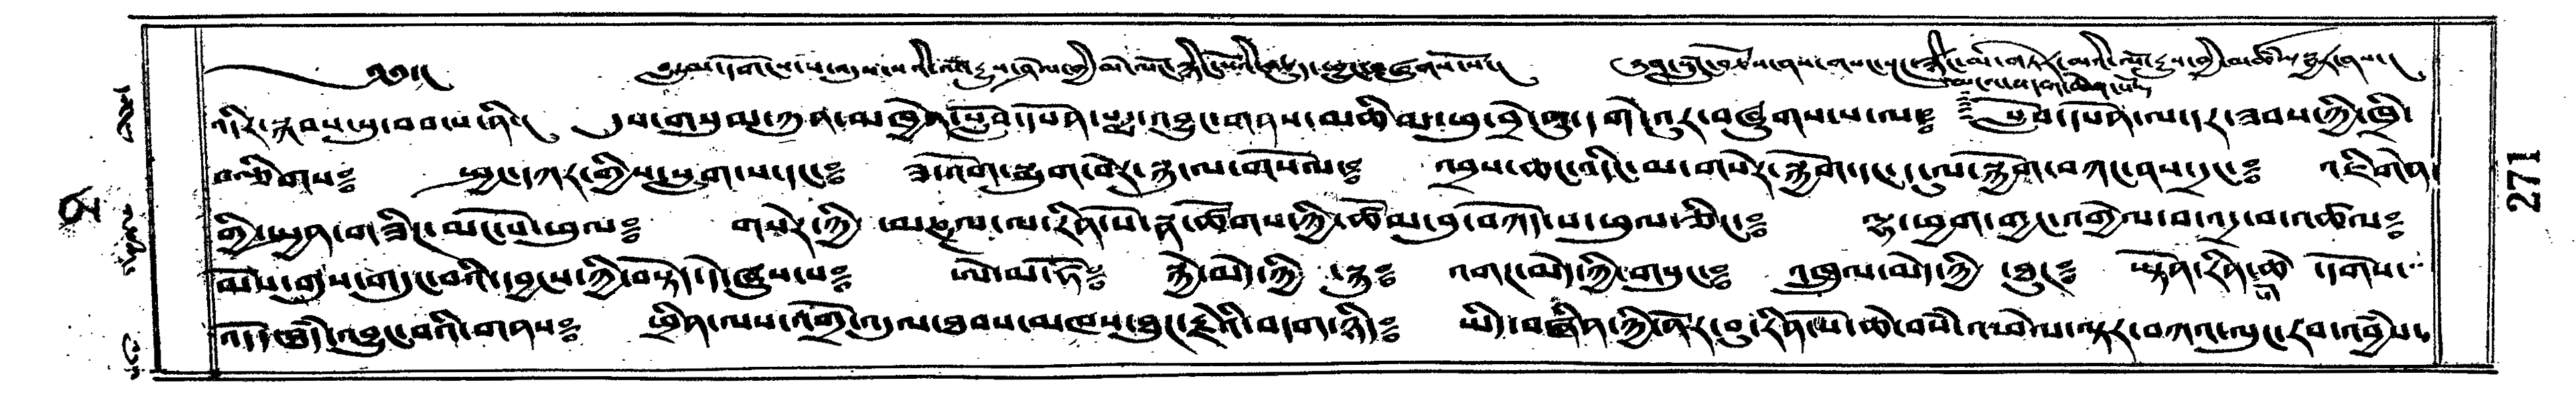༄༅། བླ་མ་དགོངས་པ་འདུས་པའི་ལོ་རྒྱུས་ཤེལ་གྱི་མེ་ལོང་སྙིང་པོའི་བཅུད་ཕྱུང་བཞུགས་སོ། ཀུན་སློང་བཅོས་ནས་གསང་སྔགས་རྙིང་མ་གཏེར་མའི་ལོ་རྒྱུས་གྱི་མཚམས་སྦྱར་ནས། 
འདིར་སྐབས་སུ་བབས་པ་ནི། དུས་གསུམ་ཀུན་མཁྱེན་སློབ་དཔོན་པདྨ་འབྱུང་གནས་མཆིམ་ཕུའི་བྲེ་གུ་དགེ་འུར་བཞུགས་པ་ལ༔ མངའ་བདག་ཆེན་པོས་སློབ་དཔོན་ལ་དར་ཟབ་ཀྱི་ཁྲི་
བརྩིགས༔ སྤྱང་དཀར་གྱིས་སློག་པ་དང༔ ཟ་འོག་སྨུག་བེར་སྐུ་ལ་གསོལ༔ འབྲས་ཆང་འདིང་མ་གསེར་སྐྱོགས་དང་དངུལ་སྐྱོགས་བཀང་ནས་དྲངས་༔ འཇིག་རྟེན་
གྱི་སྤྱན་གཟིགས་མང་པོ་ཕུལ༔ གསེར་གྱི་མཎྜལ་ལ་རིན་པོ་ཆེ་སྣ་ཚོགས་ཀྱི་ཚོམ་བུ་བཀོད་པ་ཕུལ་ཅིང༔ ལྷ་ཕྱག་གྱང་འགྱེལ་བ་འདྲ་བ་བཙལ༔ 
མོས་གུས་གདུང་བའི་དབྱངས་ཀྱིས་བསྟོད་དེ་ཞུས་པ༔ ཨེ་མ་ཧོ༔ སྐྱེ་མེད་ཀྱི་སྐུ༔ འགག་མེད་ཀྱི་གསུང༔ འཁྲུལ་མེད་ཀྱི་ཐུགས༔ ཡོན་ཏན་རིན་པོ་ཆེ་དགོས་
འདོད་ཐམས་ཅད་འབྱུང་བའི་གནས༔ ཕྲིན་ལས་འགྲོ་འདུལ་ཐབས་མཁས་ཐུགས་རྗེའི་བདག་ཉིད༔ ཡིད་བཞིན་གྱི་ནོར་བུ་རིན་པོ་ཆེ་བསམ་འཕེལ་ལྟར་བཀའ་ལུང་རབ་འབྱམས་